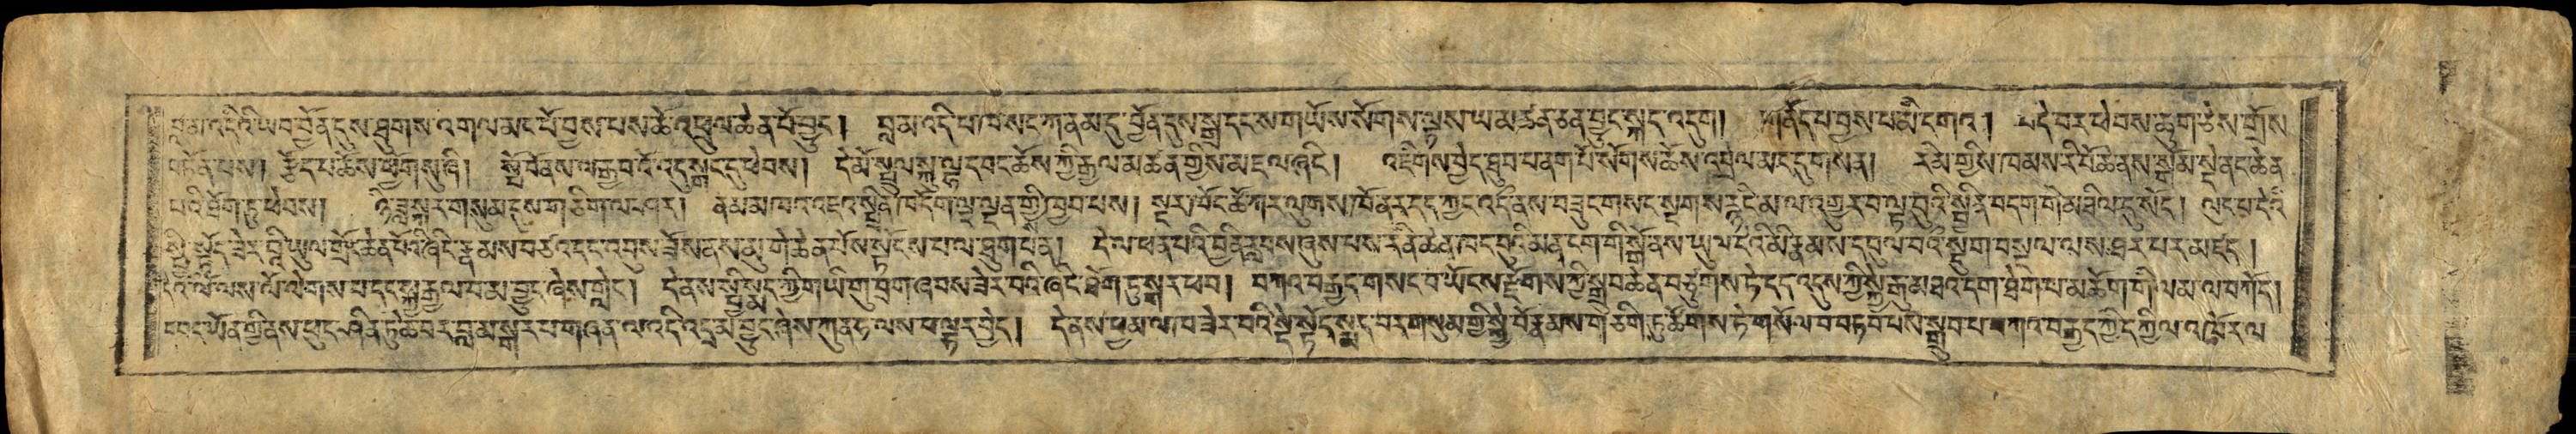བླ་མ་འདིའི་ཡབ་བྱེན་དུས་ཐུགས་འགལ་མང་པོ་བྱས་པས་ཆོ་འཕྲུལ་ཆེན་པོ་བྱུང་བ་མ་འདི་པ་ཁ་སང་ཀ་ནམ་དུ་བྱོན་དུས་སྒྲ་དང་ས་གཡོས་སོགས་ལྟས་ཡ་མཚན་ཅན་བྱུང་སྐད་འདུག། གནོད་པ་བྱས་པ་མི་དགའ། བདེ་བར་ཕེབས་ཆུག་ཅས་གྲོས་
བཏོན་པས། རྩོད་པ་ཆོས་ཕྱོགས་སུ་ཞི། སྤོ་བོ་ནས་ལ་རྒྱབ་འོ་འདུ་སྒང་དུ་ཕེབས། དེ་མོ་སྤྲུལ་སྐུ་ལྷ་དབང་ཆོས་ཀྱི་རྒྱལ་མཚན་གྱིས་མཇལ་ཞིང་། འཇིགས་བྱེད་ཐུབ་པ་ནག་པོ་སོགས་ཆོས་འབྲེལ་མང་དུ་གསན། རིམ་གྱིས་ཁམས་རི་བོ་ཆེ་ནས་སྒོམ་སྡེ་ནང་ཆེན་
པའི་ཐོག་ཏུ་ཕེབས། ཉི་ཟླ་སྐར་གསུམ་དུས་གཅིག་ལ་ཤར། ནམ་མཁའ་འཇའ་སྤྲིན་ཁ་དོག་ལྔ་ལྡན་གྱིས་ཁྱབ་པས། སྔར་ཁོང་ཚོ་ཀར་ལུགས་ཁོ་ནར་ངད་ཀྱང་འདི་ནས་བཟུང་གསང་སྔགས་རྙིང་མ་ལ་འགྱུར་བ་ལྟ་བུའི་སྦྱིན་བདག་གི་མཐིལ་དུ་སོང་། ལུང་བ་དེའི་
སྤྱི་སྟོད་ཟེར་བཱི་ཡུལ་གྲོང་ཆེན་པོའི་ཞིང་རྣམས་བཅའ་དང་འབུས་ཟོས་ནས་མུ་གེ་ཆེན་པོས་སྟོངས་པ་ལ་ཐུག་པ་ན། དེ་ལ་ཕན་པའི་བྱིན་རླབས་ཞུས་པས་རན་ཆན་ཁང་བུའི་མན་ངག་གི་སྒོ་ནས་ཡུལ་ངའི་མི་རྣམས་དབུལ་བའི་སྡུག་བསྔལ་ལས་ཐར་པར་མཛད།
དེའི་ལོ་ལས་ལོ་ལེགས་པ་དང་སྐྱ་རྒྱལ་བ་མ་བྱུང་ཞས་གླེང་། དེ་ནས་སྤྱི་སྨད་ཀྱི་གཡི་གུ་བྲག་ཞབས་ཟེར་བའི་ཞིང་ཐོག་ཏུ་སྒར་ཕབ། བཀའ་བརྒྱད་གསང་བ་ཡོངས་རྫོགས་ཀྱི་སྒྲུབ་ཆེན་བཙུགས་ཏེ་དང་འདུས་ཀྱི་སྐྱེ་རྒུ་མཐའ་དག་ཐེག་པ་མཆོག་གི་ལམ་ལ་བཀོད།
དབང་ཡོན་གྱི་ནས་ཕུང་ཤིན་ཏུ་ཆེ་བར་བླ་མ་སྒར་པ་གཞན་ལའང་འདྲ་མ་བྱུང་ཞེས་ཀུན་ཧ་ལས་པ་ལྟར་བྱེད། དེ་ནས་ཕྱམ་ལ་ཁ་ཟེར་བའི་སྡེ་སྟོད་སྨད་བར་གསུམ་གྱི་སྐྱ་བོ་རྣམས་གཅིག་ཏུ་ཚོགས་ཏེ་གསོལ་བ་བཏབ་པས་སྒྲུབ་པ་བཀའ་བརྒྱད་ཀྱི་དཀྱིལ་འཁོར་ལ་